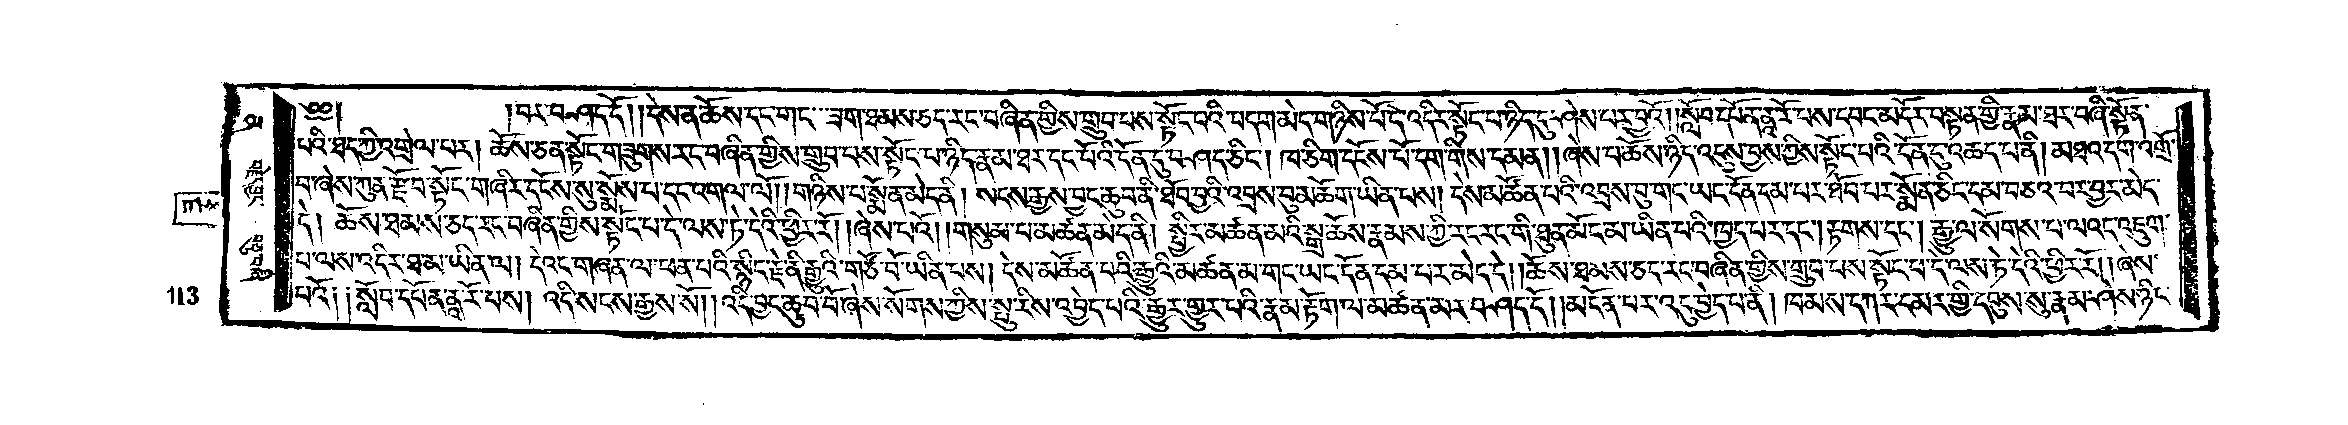༄༅། །བར་བཤད་དོ། །དེས་ན་ཆོས་དང་གང་ཟག་ཐམས་ཅད་རང་བཞིན་གྱིས་གྲུབ་པས་སྟོང་པའི་བདག་མེད་གཉིས་པོ་དེ་འདིར་སྟོང་པ་ཉིད་དུ་ཤེས་པར་བྱའོ། །སློབ་དཔོན་ནཱ་རོ་པས་དབང་མདོར་བསྟན་གྱི་རྣམ་ཐར་བཞི་སྟོན་
པའི་ཐད་ཀྱི་འགྲེལ་པར། ཆོས་ཅན་སྟོང་གཟུགས་རང་བཞིན་གྱིས་གྲུབ་པས་སྟོང་པ་ཉིད་རྣམ་ཐར་དང་པོའི་དོན་དུ་བཤད་ཅིང་། ཁ་ཅིག་དངོས་པོ་དག་གིས་དམན། །ཞེས་པ་ཆོས་ཉིད་འདུས་བྱས་ཀྱིས་སྟོང་པའི་དོན་དུ་འཆད་པ་ནི། མཐའ་དག་འགྲོ་
བ་ཞེས་ཀུན་རྫོབ་སྟོང་གཞིར་དངོས་སུ་སྨོས་པ་དང་འགལ་ལོ། །གཉིས་པ་སྨོན་མེད་ནི། སངས་རྒྱས་བྱང་ཆུབ་ནི་ཐོབ་བྱའི་འབྲས་བུ་མཆོག་ཡིན་པས། དེས་མཚོན་པའི་འབྲས་བུ་གང་ཡང་དོན་དམ་པར་ཐོབ་པར་སྨོན་ཅིང་དམ་བཅའ་བར་བྱར་མེད་
དེ། ཆོས་ཐམས་ཅད་རང་བཞིན་གྱིས་སྟོང་པ་དེ་ལས་ཏེ་དེའི་ཕྱིར་རོ། །ཞེས་པའོ། །གསུམ་པ་མཚན་མེད་ནི། སྤྱིར་མཚན་མའི་སྒྲ་ཆོས་རྣམས་ཀྱི་རང་རང་གི་ཐུན་མོང་མ་ཡིན་པའི་ཁྱད་པར་དང་། རྟགས་དང་། རྒྱུ་ལ་སོགས་པ་ལའང་འཇུག་
པ་ལས་འདིར་ཐ་མ་ཡིན་ལ། དེའང་གཞན་ལ་ཕན་པའི་སྙིང་རྗེ་ནི་རྒྱུའི་གཙོ་བོ་ཡིན་པས། དེས་མཚོན་པའི་རྒྱུའི་མཚན་མ་གང་ཡང་དོན་དམ་པར་མེད་དེ། །ཆོས་ཐམས་ཅད་རང་བཞིན་གྱིས་གྲུབ་པས་སྟོང་པ་དེ་ལས་ཏེ་དེའི་ཕྱིར་རོ། །ཞེས་
པའོ། །སློབ་དཔོན་ནཱ་རོ་པས། འདི་སངས་རྒྱས་སོ། །འདི་བྱང་ཆུབ་བོ་ཞེས་སོགས་ཀྱིས་སྤུ་རིས་འབྱེད་པའི་རྒྱུར་གྱུར་པའི་རྣམ་རྟོག་ལ་མཚན་མར་བཤད་དོ། །མངོན་པར་འདུ་བྱེད་པ་ནི། ཁམས་དཀར་དམར་གྱི་དབུས་སུ་རྣམ་ཤེས་ཉིད་